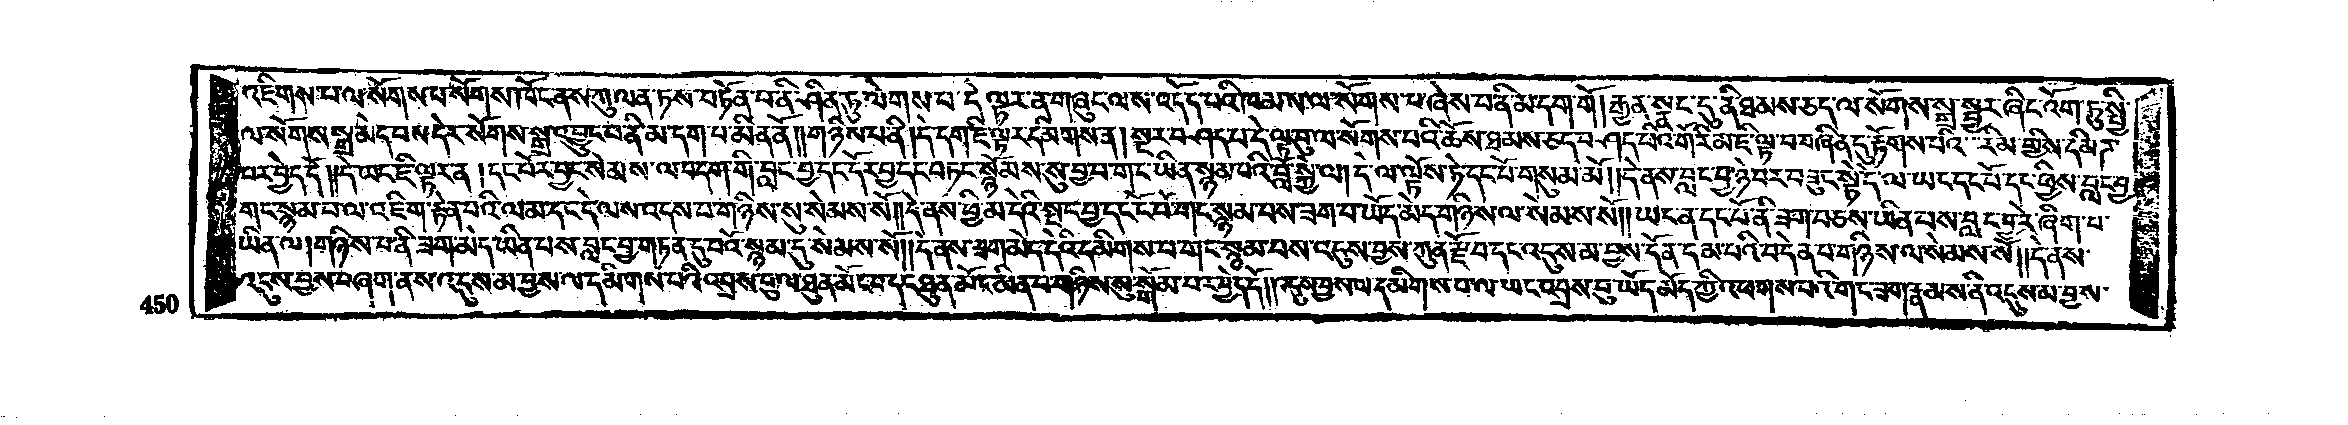འཇིགས་པ་ལ་སོགས་པ་སོགས་ཁོང་ནས་ཀུ་ལན་ཏས་བཏོན་པ་ནི་ཤིན་ཏུ་ལེགས་པ་དེ་ལྟར་ན་གཞུང་ལས་འདོད་པའི་ཁམས་ལ་སོགས་པ་ཞེས་པ་ནི་མ་དག་གོ །རྒྱན་སྣང་དུ་ནི་ཐམས་ཅད་ལ་སོགས་སྒྲ་སྦྱར་ཞིང་འོག་ཏུ་སྤྱི་
ལ་སོགས་སྒྲ་མེད་པས་དེར་སོགས་སྒྲ་འབྱུང་བ་ནི་མ་དག་པ་མིན་ནོ། །གཉིས་པ་ནི། དེ་དག་ཇི་ལྟར་དམིགས་ན། སྔར་བཤད་པ་དེ་ལྟ་བུ་ལ་སོགས་པའི་ཆོས་ཐམས་ཅད་བཤད་པའི་གོ་རིམ་ཇི་ལྟ་བ་བཞིན་དུ་རྟོགས་པའི་རིམ་གྱིས་དམིགས་
པར་བྱེད་དོ། །དེ་ཡང་ཇི་ལྟར་ན། དང་པོར་བྱང་སེམས་ལ་བདག་གི་བླང་བྱ་དང་དོར་བྱ་དང་བཏང་སྙོམས་སུ་བྱ་བ་གང་ཡིན་སྙམ་པའི་བློ་སྐྱེ་ལ། དེ་ལ་ལྟོས་ཏེ་དང་པོ་གསུམ་མོ། །དེ་ནས་བླང་བྱ་ཉེ་བར་བཟུང་སྟེ་དེ་ལ་ཡང་དང་པོ་དང་ཕྱིས་བླང་བྱ་
གང་སྙམ་པ་ལ་འཇིག་རྟེན་པའི་ལམ་དང་དེ་ལས་འདས་པ་གཉིས་སུ་སེམས་སོ། །དེ་ནས་ཕྱི་མ་དེའི་སྤང་བྱ་དང་ངོ་བོ་གང་སྙམ་པས་ཟག་པ་ཡོད་མེད་གཉིས་ལ་སེམས་སོ། །ཡང་ན་དང་པོ་ནི་ཟག་བཅས་ཡིན་པས་བླང་བྱ་རེ་ཞིག་པ་
ཡིན་ལ། གཉིས་པ་ནི་ཟག་མེད་ཡིན་པས་བླང་བྱ་གཏན་དུ་བའོ་སྙམ་དུ་སེམས་སོ། །དེ་ནས་ཟག་མེད་དེའི་དམིགས་པ་གང་སྙམ་པས་འདུས་བྱས་ཀུན་རྫོབ་དང་འདུས་མ་བྱས་དོན་དམ་པའི་བདེན་པ་གཉིས་ལ་སེམས་སོ། །དེ་ནས་
འདུས་བྱས་བཞག་ནས་འདུས་མ་བྱས་ལ་དམིགས་པའི་འབྲས་བུ་ལ་ཐུན་མོང་བ་དང་ཐུན་མོང་མིན་པ་གཉིས་སུ་སྒོམ་པར་བྱེད་དོ། །འདུས་བྱས་ལ་དམིགས་པ་ལ་ཡང་འབྲས་བུ་ཡོད་མོད་ཀྱི་འཕགས་པའི་གང་ཟག་རྣམས་ནི་འདུས་མ་བྱས་